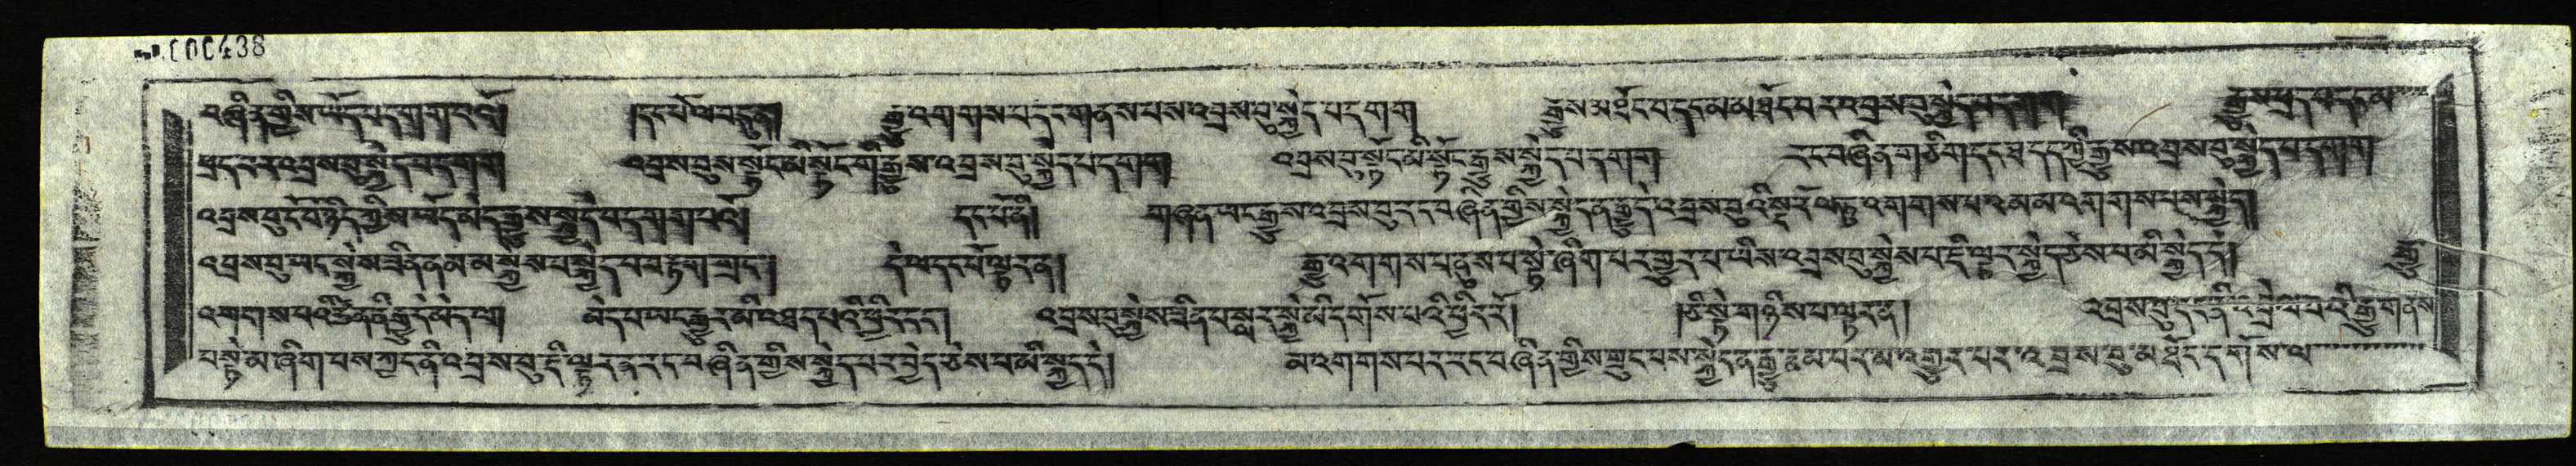བཞིན་གྱིས་ཡོད་པ་དགག་པའོ། །དང་པོ་ལ་བདུན། རྒྱུ་འགགས་པ་དང་གནས་པས་འབྲས་བུ་སྐྱེད་པ་དགག་རྒྱུས་མཐོང་བ་དང་མ་མཐོང་བར་འབྲས་བུ་སྐྱེད་པ་དགག་རྒྱུས་ཕྲད་པ་དང་མ་
ཕྲད་པར་འབྲས་བུ་སྐྱེད་པ་དགག་འབྲས་བུས་སྟོང་མི་སྟོང་གི་རྒྱུས་འབྲས་བུ་སྐྱེད་པ་དགག་འབྲས་བུ་སྟོང་མི་སྟོང་རྒྱུས་སྐྱེད་པ་དགག་རང་བཞིན་གཅིག་དང་ཐ་དད་ཀྱི་རྒྱུས་འབྲས་བུ་སྐྱེད་པ་དགག་
འབྲས་བུ་ངོ་བོ་ཉིད་ཀྱིས་ཡོད་མེད་རྒྱུས་སྐྱེད་པ་དགག་པའོ། དང་པོ་ནི། གཞན་ཡང་རྒྱུས་འབྲས་བུ་རང་བཞིན་གྱིས་སྐྱེད་ན་རྒྱུ་དེ་འབྲས་བུའི་སྔ་རོལ་ཏུ་འགགས་པའམ་མ་འགགས་པས་སྐྱེད།
འབྲས་བུ་ཡང་སྐྱེས་ཟིན་ནམ་མ་སྐྱེས་པ་སྐྱེད་པ་བརྟག་གྲང་། དེ་ལ་དང་པོ་ལྟར་ན། རྒྱུ་འགགས་པ་ནུས་པ་སྟེ་ཞིག་པར་གྱུར་པ་ཡིས་འབྲས་བུ་སྐྱེས་པ་ཇི་ལྟར་སྐྱེད་ཅེས་པ་མི་སྐྱེད་དེ། རྒྱུ་
འགགས་པའི་ཚེ་ན་ནི་རྒྱུ་དེ་མེད་ལ། མེད་པ་ཡང་རྒྱུར་མི་འཐད་པའི་ཕྱིར་དང་། འབྲས་བུ་སྐྱེས་ཟིན་པ་སླར་སྐྱེ་མི་དགོས་པའི་ཕྱིར་རོ། །ཅི་སྟེ་གཉིས་པ་ལྟར་ན། འབྲས་བུ་དང་ནི་འབྲེལ་བའི་རྒྱུ་གནས་
པ་སྟེ་མ་ཞིག་པས་ཀྱང་ནི་འབྲས་བུ་ཇི་ལྟར་ན་རང་བཞིན་གྱིས་སྐྱེད་པར་བྱེད་ཅེས་པ་མི་སྐྱད་དེ། མ་འགགས་པར་རང་བཞིན་གྱིས་གྲུབ་པས་སྐྱེད་ན་རྒྱུ་རྣམ་པར་མ་འགྱུར་པར་འབྲས་བུ་མཐོང་དགོས་ལ་